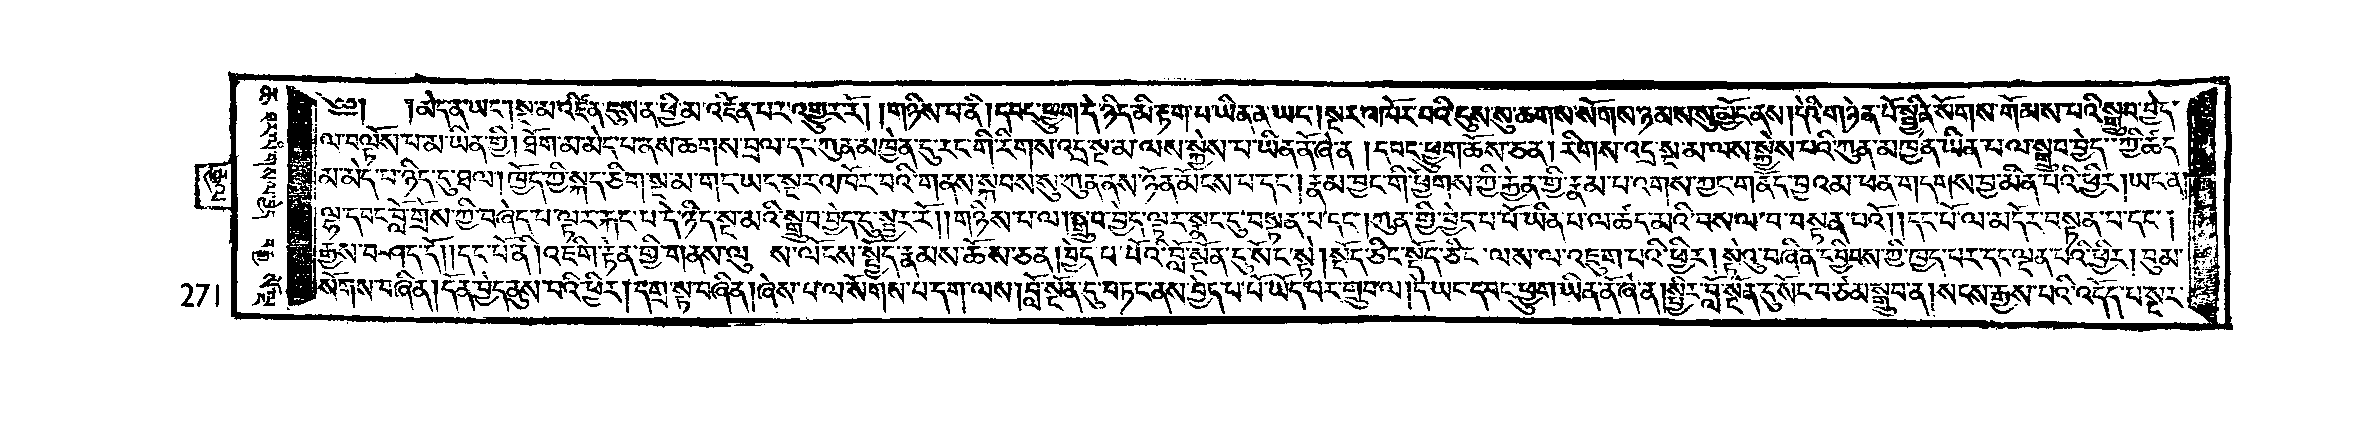༄༅། །མེད་ན་ཡང་། སྔ་མ་འཛིན་དུས་ན་ཕྱི་མ་འཛིན་པར་འགྱུར་རོ། །གཉིས་པ་ནི། དབང་ཕྱུག་དེ་ཉིད་མི་རྟག་པ་ཡིན་ན་ཡང་། སྔར་འཁོར་བའི་དུས་སུ་ཆགས་སོགས་ཉམས་སུ་མྱོང་ནས། དེའི་གཉེན་པོ་སྦྱིན་?་སོགས་གོམས་པའི་སྒྲུབ་བྱེད་
ལ་བལྟོས་པ་མ་ཡིན་གྱི། ཐོག་མ་མེད་པ་ནས་ཆགས་བྲལ་དང་ཀུན་མཁྱེན་དུ་རང་གི་རིགས་འདྲ་སྔ་མ་ལས་སྐྱེས་པ་ཡིན་ནོ་ཞེ་ན། དབང་ཕྱུག་ཆོས་ཅན། རིགས་འདྲ་སྔ་མ་ལས་སྐྱེས་བའི་ཀུན་མཁྱེན་ཡིན་པ་ལ་སྒྲུབ་བྱེད་ཀྱི་ཚད་
མ་མེད་པ་ཉིད་དུ་ཐལ། ཁྱོད་ཀྱི་སྐད་ཅིག་སྔ་མ་གང་ཡང་སྔར་འཁོར་བའི་གནས་སྐབས་སུ་ཀུན་ནས་ཉོན་མོངས་པ་དང་། རྣམ་བྱང་གི་ཕྱོགས་ཀྱི་རྐྱེན་གྱི་རྣམ་པ་འགས་ཀྱང་གནོད་བྱའམ་ཕན་གདོགས་?་བྱ་མིན་པའི་ཕྱིར། ཡང་ན།
ལྷ་དབང་བློ་གྲོས་ཀྱི་བཞེད་པ་ལྟར་རྐང་པ་དེ་ཉིད་སྔ་མའི་སྒྲུབ་བྱེད་དུ་སྦྱར་རོ། །གཉིས་པ་ལ། སྒྲུབ་བྱེད་ལྟར་སྣང་དུ་བསྟན་པ་དང་། ཀུན་གྱི་བྱེད་པ་པོ་ཡིན་པ་ལ་ཚད་མའི་བསལ་བ་བསྟན་པའོ། །དང་པོ་ལ་མདོར་བསྟན་པ་དང་།
རྒྱས་བཤད་དོ། །དང་པོ་ནི། འཇིག་རྟེན་གྱི་གནས་ལུགས་ལོངས་སྤྱོད་རྣམས་ཆོས་ཅན། བྱེད་པ་པོའི་བློ་སྔོན་དུ་སོང་སྟེ། སྡོད་ཅིང་སྡོད་ཅིང་ལས་ལ་འཇུག་པའི་ཕྱིར། སྟེའུ་བཞིན་དབྱིབས་ཀྱི་ཁྱད་པར་དང་ལྡན་པའི་ཕྱིར། བུམ་
སོགས་བཞིན། དོན་བྱེད་ནུས་པའི་ཕྱིར། དགྲ་སྟ་བཞིན། ཞེས་པ་ལ་སོགས་པ་དག་ལས། བློ་སྔོན་དུ་བཏང་ནས་བྱེད་པ་པོ་ཡོད་པར་གྲུབ་ལ། དེ་ཡང་དབང་ཕྱུག་ཡིན་ནོ་ཞེ་ན། སྤྱིར་བློ་སྔོན་དུ་སོང་བ་ཙམ་སྒྲུབ་ན། སངས་རྒྱས་པའི་འདོད་པ་སྔར་